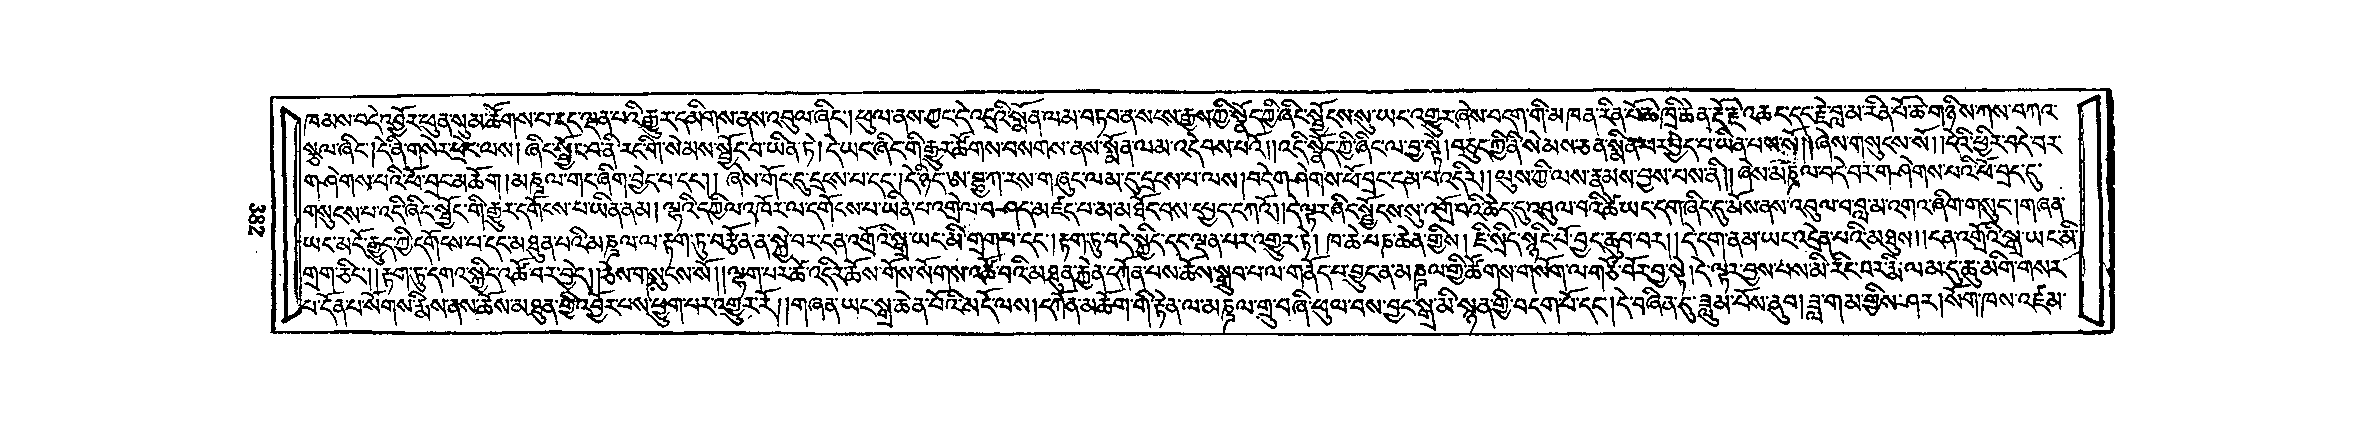ཁམས་བདེ་འབྱོར་ཕུན་སུམ་ཚོགས་པ་དང་ལྡན་པའི་རྒྱུར་དམིགས་ནས་འབུལ་ཞིང་། ཕུལ་ནས་ཀྱང་དེ་འདྲའི་སྨོན་ལམ་བཏབ་ན་སངས་རྒྱས་ཀྱི་སྣོད་ཀྱི་ཞིང་སྦྱོངས་སུ་ཡང་འགྱུར་ཞེས་བདག་གི་མཁན་རིན་པོ་ཆེ་ཁྲི་ཆེན་རྡོ་རྗེ་འཆང་དང་རྗེ་བླ་མ་རིན་པོ་ཆེ་གཉིས་ཀས་བཀའ་
སྩལ་ཞིང་། དེ་ནི་གསེར་ཕྲེང་ལས། ཞིང་སྦྱོང་བ་ནི་རང་གི་སེམས་སྦྱོང་བ་ཡིན་ཏེ། དེ་ཡང་ཞིང་གི་རྒྱུར་ཚོགས་བསགས་ནས་སྨོན་ལམ་འདེབས་པའོ། །འདི་སྣོད་ཀྱི་ཞིང་ལ་བྱ་སྟེ། བཅུད་ཀྱི་ནི་སེམས་ཅན་སྨིན་པར་བྱེད་པ་ཡིན་པས་སོ། །ཞེས་གསུངས་སོ། །དེའི་ཕྱིར་བདེ་བར་
གཤེགས་པའི་ཕོ་བྲང་མཆོག །མཎྜལ་གང་ཞིག་བྱེད་པ་དང་། །ཞེས་གོང་དུ་དྲངས་པ་དང་། དེ་ཉིད་ཨ་བྷྱ་ཀ་རས་གཞུང་ལམ་དུ་དྲངས་པ་ལས། བདེ་གཤེགས་ཕོ་བྲང་དམ་པ་འདིར། །ལུས་ཀྱི་ལས་རྣམས་བྱས་པས་ནི། །ཞེས་མཎྜལ་བདེ་བར་གཤེགས་པའི་ཕོ་བྲང་དུ་
གསུངས་པ་འདི་ཞིང་སྦྱོང་གི་རྒྱུར་དགོངས་པ་ཡིན་ནམ། ལྷའི་དཀྱིལ་འཁོར་ལ་དགོངས་པ་ཡིན་པ་འགྲེལ་བཤད་མཛད་པ་མ་མཐོང་བས་དཔྱད་དཀའོ། །དེ་ལྟར་ཞིང་སྦྱོངས་སུ་འགྲོ་བའི་ཆེད་དུ་འབུལ་བའི་ཚེ་ཡང་དག་ཞིང་དུ་མོས་ནས་འབུལ་བ་བླ་མ་འགའ་ཞིག་གསུང་། གཞན་
ཡང་མདོ་རྒྱུད་ཀྱི་དགོངས་པ་དང་མཐུན་པའི་མཎྜལ་ལ་རྟག་ཏུ་བརྩོན་ན་སྐྱེ་བར་ངན་འགྲོའི་སྒྲ་ཡང་མི་གྲག་པ་དང་། རྟག་ཏུ་བདེ་སྐྱིད་དང་ལྡན་པར་འགྱུར་ཏེ། ཁ་ཆེ་པཎ་ཆེན་གྱིས། ཇི་སྲིད་སྙིང་པོ་བྱང་ཆུབ་བར། །དེ་དག་ནམ་ཡང་འདྲེན་པའི་མཐུས། །ངན་འགྲོའི་སྒྲ་ཡང་མི་
གྲག་ཅིང་། །རྟག་ཏུ་དགའ་སྐྱིད་འཚོ་བར་བྱེད། །ཅེས་གསུངས་སོ། །ལྷག་པར་ཚེ་འདིར་ཆོས་གོས་སོགས་འཚོ་བའི་མཐུན་རྐྱེན་དཀོན་པས་ཆོས་སྒྲུབ་པ་ལ་གནོད་པ་བྱུང་ན་མཎྜལ་གྱི་ཚོགས་གསོག་ལ་གཙོ་བོར་བྱ་སྟེ། དེ་ལྟར་བྱས་པས་མི་རིང་བར་རྨི་ལམ་དུ་ཆུ་མིག་གསར་
པ་དོན་པ་སོགས་རྨིས་ནས་ཆོས་མཐུན་གྱི་འབྱོར་པས་ཕྱུག་པར་འགྱུར་རོ། །གཞན་ཡང་སྒྲ་ཆེན་པོའི་མདོ་ལས། དཀོན་མཆོག་གི་རྟེན་ལ་མཎྜལ་གྲུ་བཞི་ཕུལ་བས་བྱང་སྒྲ་མི་སྙན་གྱི་བདག་པོ་དང་། དེ་བཞིན་དུ་ཟླུམ་པོས་ནུབ། ཟླ་གམ་གྱིས་ཤར། སོག་ཁས་འཛམ་